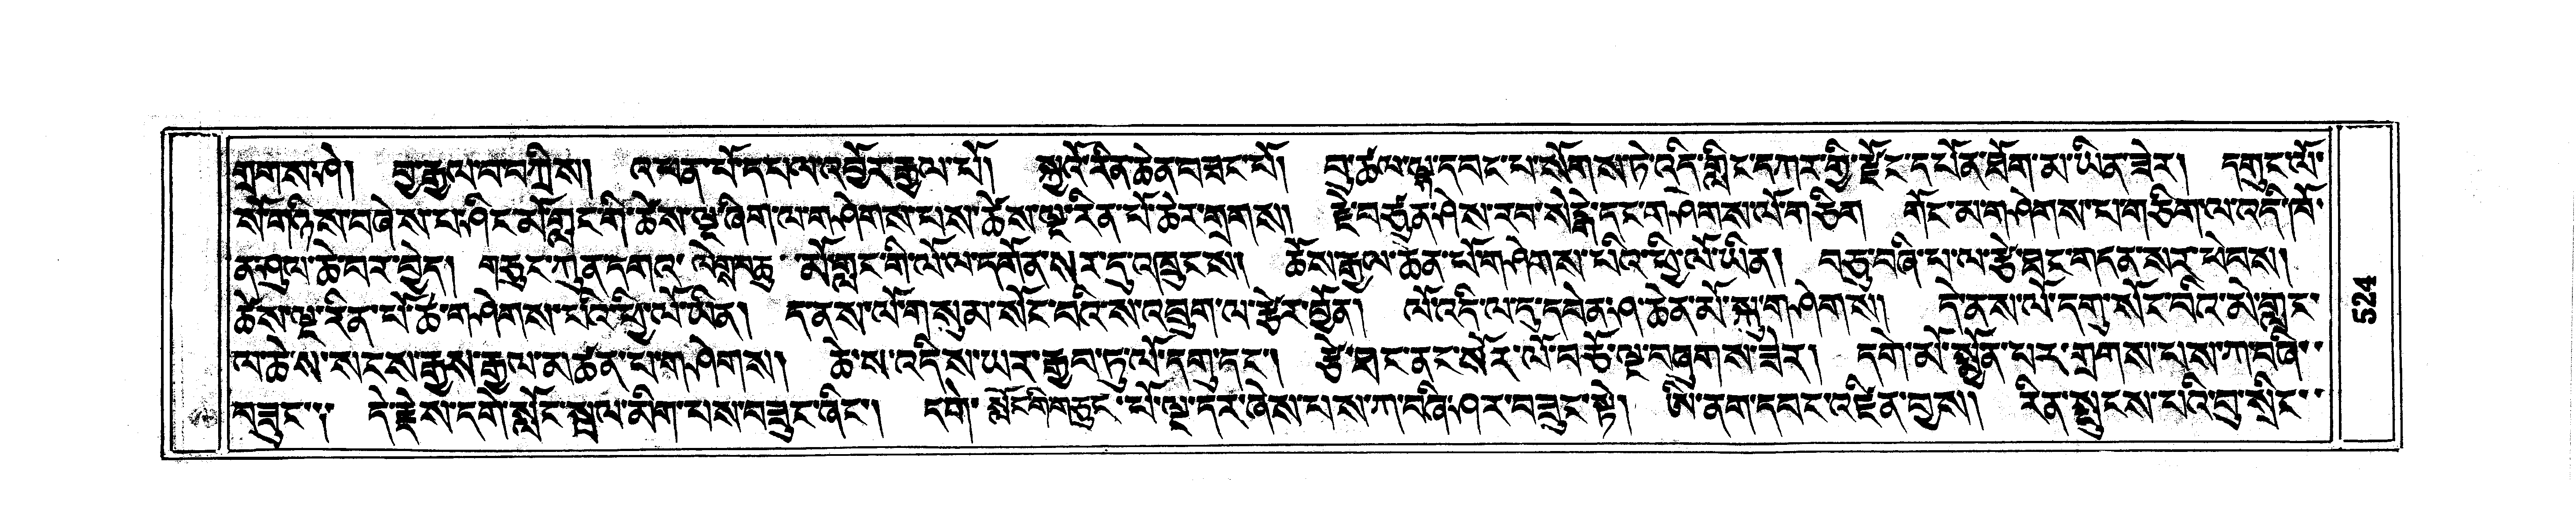གྲགས་ཤེ། བྱ་རྒྱལ་བ་བཀྲིས། འཕན་པོ་དཔལ་འབྱོར་རྒྱལ་པོ། སྐྱའོ་རིན་ཆེན་བཟང་པོ། བུ་ཚལ་ལྷ་དབང་པ་སོགས་ཏེ་འདི་གླིང་དཀར་གྱི་རྫོང་དཔོན་ཐོག་མ་ཡིན་ཟེར། དགུང་ལོ་
སོ་གཉིས་བཞེས་པ་ཤིང་མོ་གླང་གི་ཚེས་ལྔ་ཞིག་ལ་གཤེགས་པས་ཚེས་ལྔ་རིན་པོ་ཆེར་གྲགས། རྗེ་བཙུན་ཤེས་རབ་སེངྒེ་དང་གཤེགས་ལོ་གཅིག་གོང་མ་གཤེགས་པ་གཅིག་ལ་འདི་ཁོ་
ན་ཤུལ་ཆེ་བར་བྱེད། གཅུང་ཀུན་དགའ་ལེགས་བཅུ་མོ་གླང་གི་ལོ་ལ་དགོན་སར་དུ་འཁྲུངས། ཆོས་རྒྱལ་ཆེན་པོ་གཤེགས་པའི་ཕྱི་ལོ་ཡིན། བཅུ་བཞི་པ་ལ་རྩེ་ཐང་གདན་སར་ཕེབས།
ཚེས་ལྔ་རིན་པོ་ཆེ་གཤེགས་པའི་ཕྱི་ལོ་ཡིན། ད་ནས་ལོ་གསུམ་སོང་བའི་ས་འབྲུག་ལ་རྩེར་བྱོན། ལོ་འདི་ལ་དུ་དབེན་ཤ་ཆེན་མོ་སྐུ་གཤེགས། དེ་ནས་ལོ་དགུ་སོང་བའི་མེ་གླང་
ལ་ཆེས་སངས་རྒྱས་རྒྱལ་མཚན་པ་གཤེགས། ཆེ་ས་འདིས་ཡར་རྒྱབ་ཏུ་ལོ་དགུ་དང་། རྩེ་ཐང་ནང་སོར་ལོ་བཅོ་ལྔ་བཞུགས་ཟེར། དགེ་མོ་སྨྱོན་པར་གྲགས་པས་ཀ་བཞི་
བཟུང༑ དེ་རྗེས་དགེ་སློང་སྤལ་མིག་པས་བཟུང་ཞིང་། དགེ་སློང་གི་གཅུང་པོ་ལྔ་དར་ཞེས་པས་ཀ་བཞི་ཤར་བཟུང་སྟེ། ཨི་ནག་དབང་འཛིན་བྱས། རིན་སྤུངས་པའི་བུ་སྲིང་